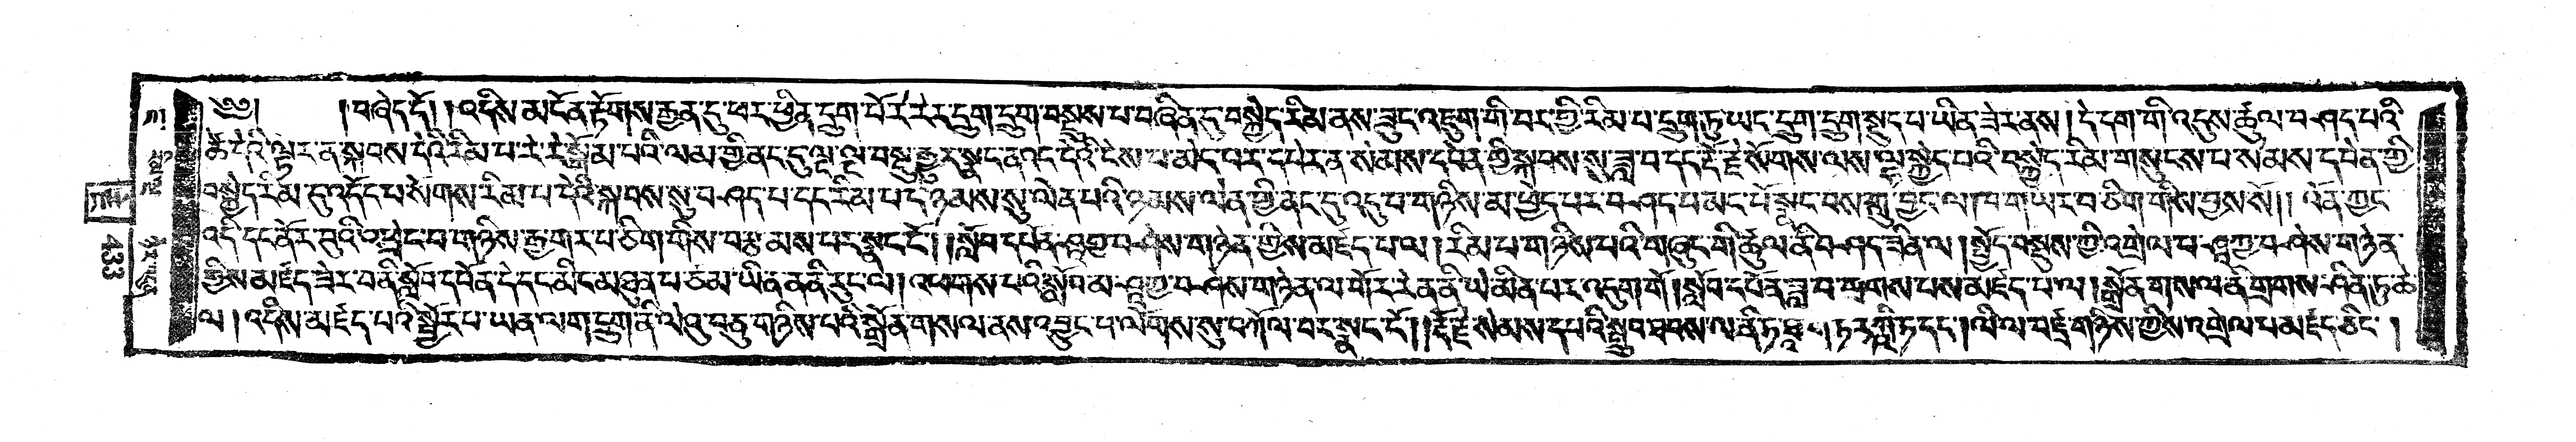༄༅། །བཞེད་དོ། །འདིས་མངོན་རྟོགས་རྒྱན་དུ་ཕར་ཕྱིན་དྲུག་པོ་རེ་རེར་དྲུག་དྲུག་བསྡུས་པ་བཞིན་དུ་བསྐྱེད་རིམ་ནས་ཟུང་འཇུག་གི་བར་གྱི་རིམ་པ་དྲུག་ཏུ་ཡང་དྲུག་དྲུག་སྡུད་པ་ཡིན་ཟེར་ནས། དེ་དག་གི་འདུས་ཚུལ་བཤད་པའི་
ཚེ་དེའི་ལྟར་ན་སྐབས་དེའི་རིམ་པ་རེ་རེ་སྒོམ་པའི་ལམ་གྱི་ནང་དུ་ལྔ་ལྔ་བསྡུ་རྒྱུར་སྣང་ནའང་དེའི་ངེས་པ་མེད་པར་དཔེར་ན་སེམས་དབེན་གྱི་སྐབས་སུ་ཟླ་བ་དང་རྡོ་རྗེ་སོགས་ལས་ལྷ་སྐྱེད་པའི་བསྐྱེད་རིམ་གསུངས་པ་སེམས་དབེན་གྱི་
བསྐྱེད་རིམ་དུ་འདོད་པ་སོགས་རིམ་པ་དེའི་སྐབས་སུ་བཤད་པ་དང་རིམ་པ་དེ་ཉམས་སུ་ལེན་པའི་ཉམས་ལེན་གྱི་ནང་དུ་འདུ་བ་གཉིས་མ་ཕྱེད་པར་བཤད་པ་མང་པོ་སྣང་བས་ཀླུ་བྱང་ལ་ཁ་གཡར་བ་ཅིག་གིས་བྱས་སོ། །འོན་ཀྱང་
འདི་དང་ནོར་བུའི་འཕྲེང་བ་གཉིས་རྒྱ་གར་པ་ཅིག་གིས་བརྩམས་པར་སྣང་ངོ། །སློབ་དཔོན་ཤཱཀྱ་བཤེས་གཉེན་གྱིས་མཛད་པ་ལ། རིམ་པ་གཉིས་པའི་གཞུང་གི་ཚུལ་ནི་བཤད་ཟིན་ལ། སྤྱོད་བསྡུས་ཀྱི་འགྲེལ་པ་ཤཱཀྱ་བཤེས་གཉེན་
གྱིས་མཛད་ཟེར་བ་ནི་སློབ་དཔོན་དེ་དང་མིང་མཐུན་པ་ཙམ་ཡིན་ན་ནི་རུང་ལ། འཕགས་པའི་སློབ་མ་ཤཱཀྱ་བཤེས་གཉེན་ལ་གོར་རེ་ན་ནི་ཡེ་མིན་པར་འདུག་གོ །སློབ་དཔོན་ཟླ་བ་གྲགས་པས་མཛད་པ་ལ། སྒྲོན་གསལ་ནི་གྲགས་ཤིན་ཏུ་ཆེ་
ལ་།འདིས་མཛད་པའི་སྦྱོར་བ་ཡན་ལག་དྲུག་ནི་ལེའུ་བཅུ་གཉིས་པའི་སྒྲོན་གསལ་ནས་འབྱུང་བ་ལེགས་སུ་བཀོལ་བར་སྣང་ངོ། །རྡོ་རྗེ་སེམས་དཔའི་སྒྲུབ་ཐབས་ལ་ནི་ཏ་ཐཱ་ག་ཏ་རཀྵི་ཏ་དང་། ལི་ལ་བཛྲ་གཉིས་ཀྱིས་འགྲེལ་པ་མཛད་ཅིང་།